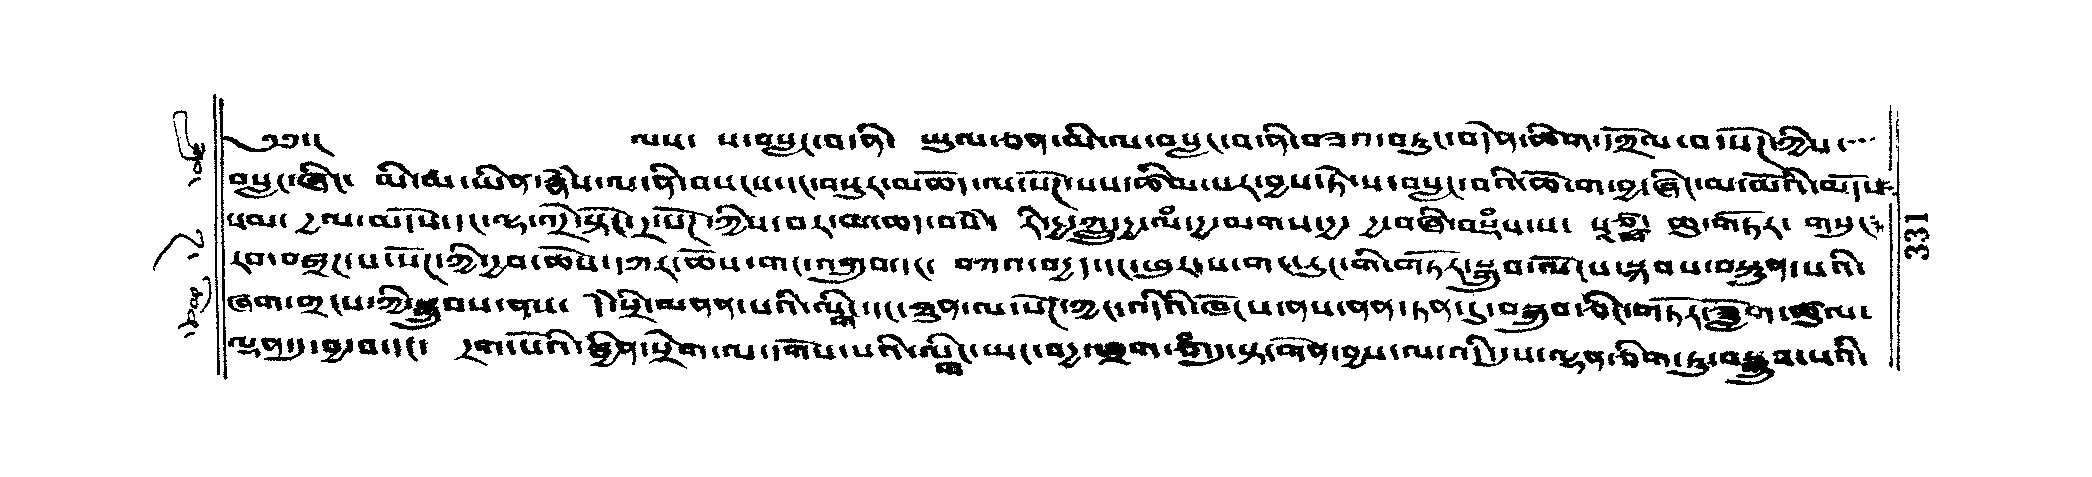ལས། ས་བསླང་ནི། ཡུལ་ཅན་མི་ལ་བསླང་བ་ནི་བཟའ་བཏུང་བདེན་ཚིག་དཀྲོལ་བ་སོགས་ཀྱིས་
བསླང་ཞིང་། མི་མ་ཡིན་རྣམས་ལ་ནི་བསངས་དང་བསུར་མཆོད་ལ་སོགས་པས་ཚིམ་པར་བྱས་ཏེ་ས་བསླང་བའི་ཆོ་ག་བྱ་ཞིང་མ་མོའི་མདོས་
སམ། རྒྱལ་མདོས་དང་ལྷ་འདྲེ་སྟོང་ཕྲག་སོགས་ཀྱི་བར་ཆད་བསལ། རི་རྒྱ་ཀླུང་རྒྱ་ལམ་རྒྱ་དམག་རྒྱ་། རྒྱ་བཞི་བསྡམས་པ། སཱཙྪ། ཆུ་གཏོར། གསུངས་
རབ་བསྒྲགས་པ་སོགས་ཀྱི་རྒྱབ་ཆོས་དཀར་ཆོས་གང་འགྲུབ་དང་། བཀའ་བརྒྱད་དང་ཕུར་པ་གང་རུང་གི་གཏོར་སྒྲུབ་ལོངས་སྐབས་བསྟུན་པའི་
ཞག་གྲངས་ཀྱི་སྒྲུབས་ནས། དམ་སྲི་མནན་པའི་ལིངྒ་དང་ཐུན་ལ་སོགས་ཀྱང་འདིའི་ཁོངས་ནས་ནན་ཏན་དུ་བསྒྲུབ་ཅིང་གཏོར་ཟློག་ཚུལ་
ལྡན་དུ་བྱ་བ་དང་། དྲག་པོའི་སྦྱིན་སྲེག་ལ་དགོས་པའི་ལིངྒ་ཡང་བརྒྱ་ཕྲག་ཙམ་དུ་སྟ་གོན་བྱས་ལ་འདི་དུས་ལྷན་ཅིག་ཏུ་བསྒྲུབ་པའི་